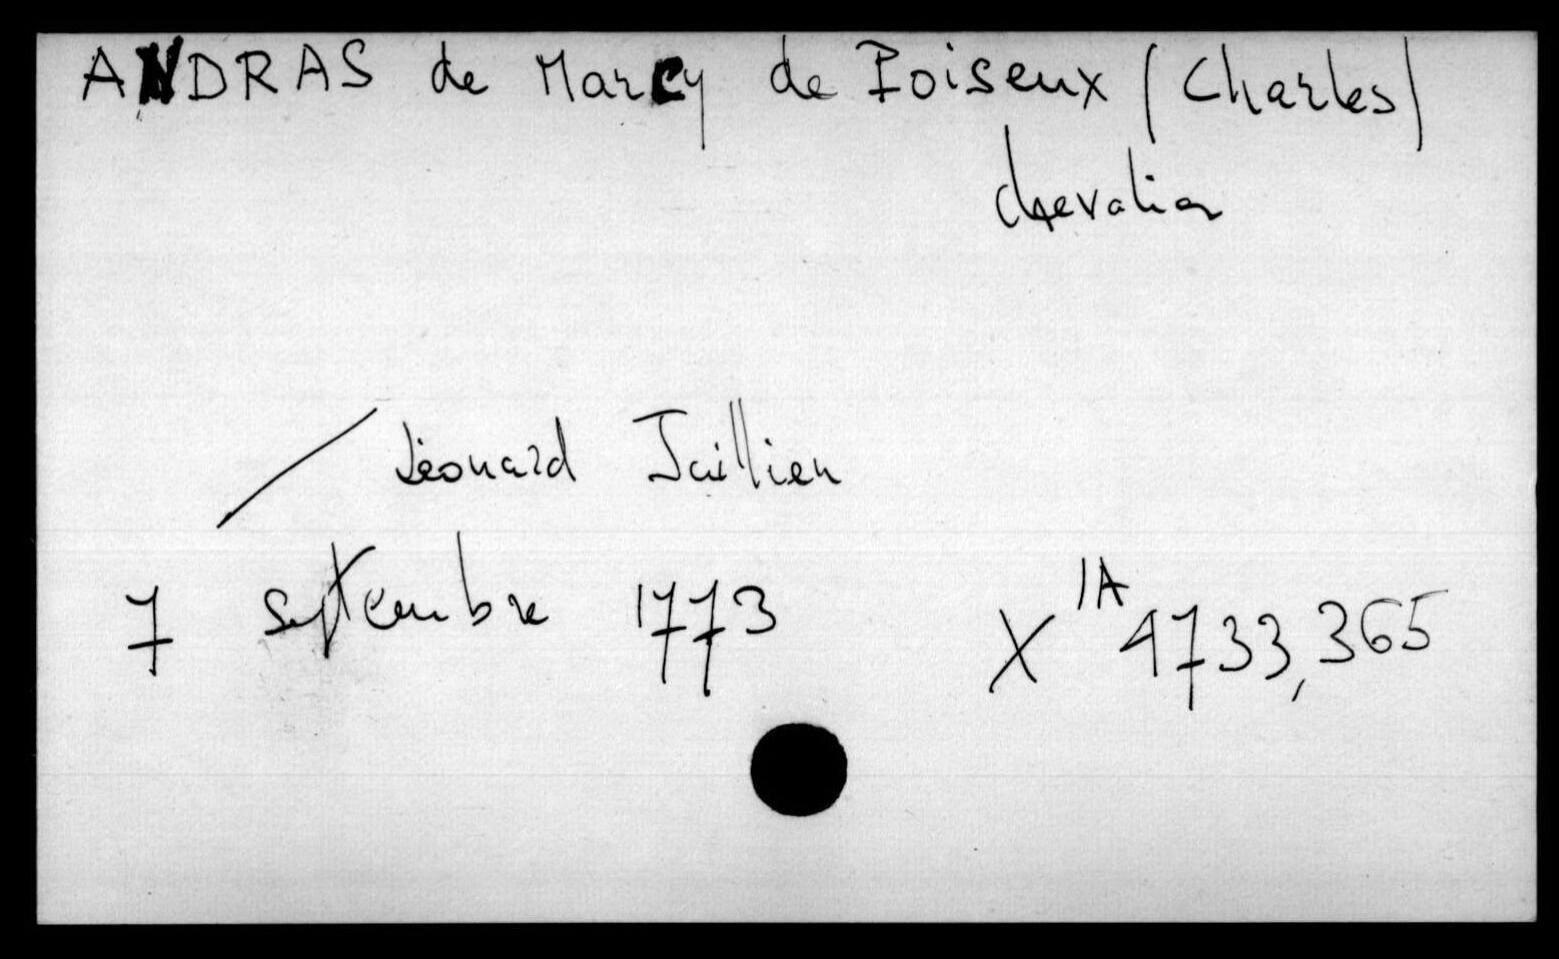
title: ANDRAS de Marcy de Poiseux (Charles) chevalier
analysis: Contre Léonard Juillien
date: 7 septembre 1773
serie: X1A
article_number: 4733
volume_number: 365
